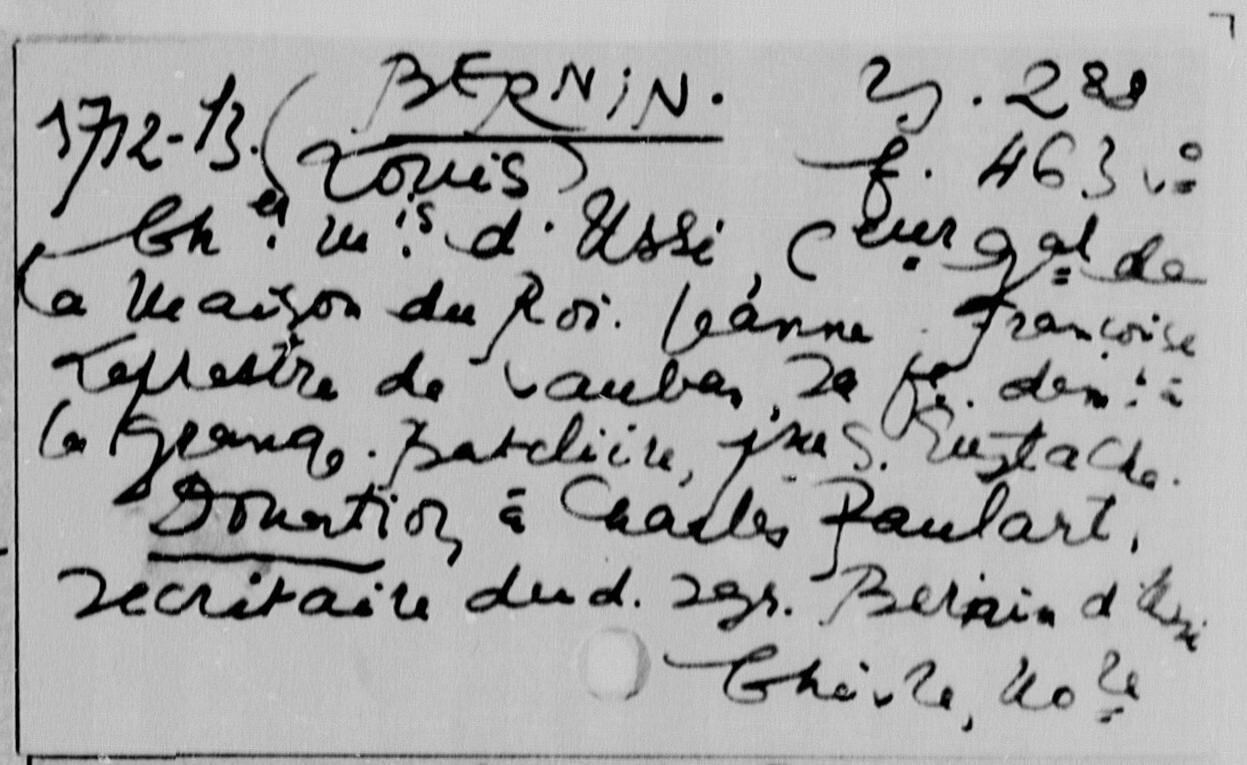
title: BERNIN (Louis)
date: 1712-1713
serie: Y
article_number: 288
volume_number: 463v
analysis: Chevalier marquis d'Ussé, contrôleur général de la Maison du roi. Jeanne-Françoise Leprestre de Vauban, sa femme, demeurant à La Grange-Batelière, paroisse Saint-Eustache. Donation à Charles Paulart, secrétaire dudit seigneur Bernin d'Ussé Chèvre, notaire.
